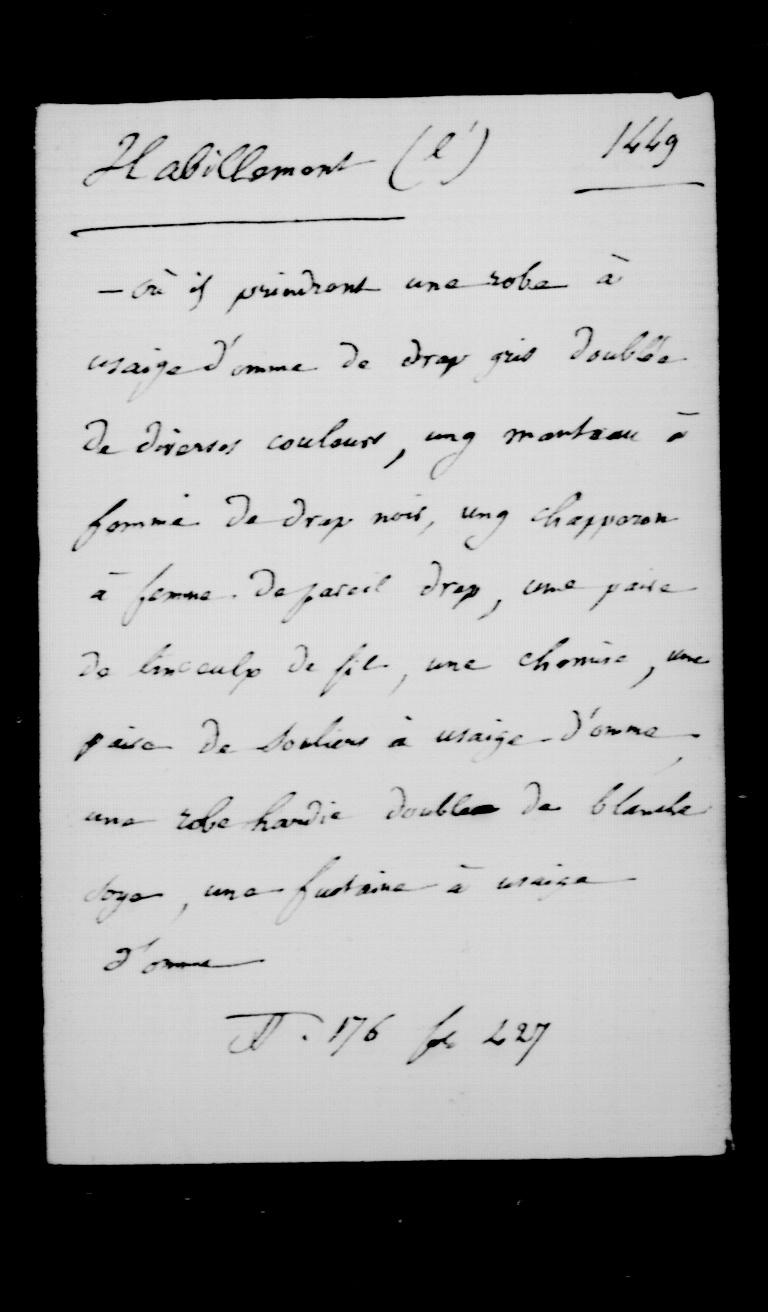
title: Habillement (l’)
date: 1449
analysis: - où ilz prindrent une robe à usaige d'omme de drap gris doublée de diverses couleurs, ung manteau à femme de drap noir, ung chapporon à femme de pareil drap, une paire de linceulx de fil, une chemise, une paire de souliers à usaige d'omme, une robe hardie doublée de blanche soye, une fustaine à usaige d'omme
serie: JJ
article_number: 176
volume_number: fol. 427
